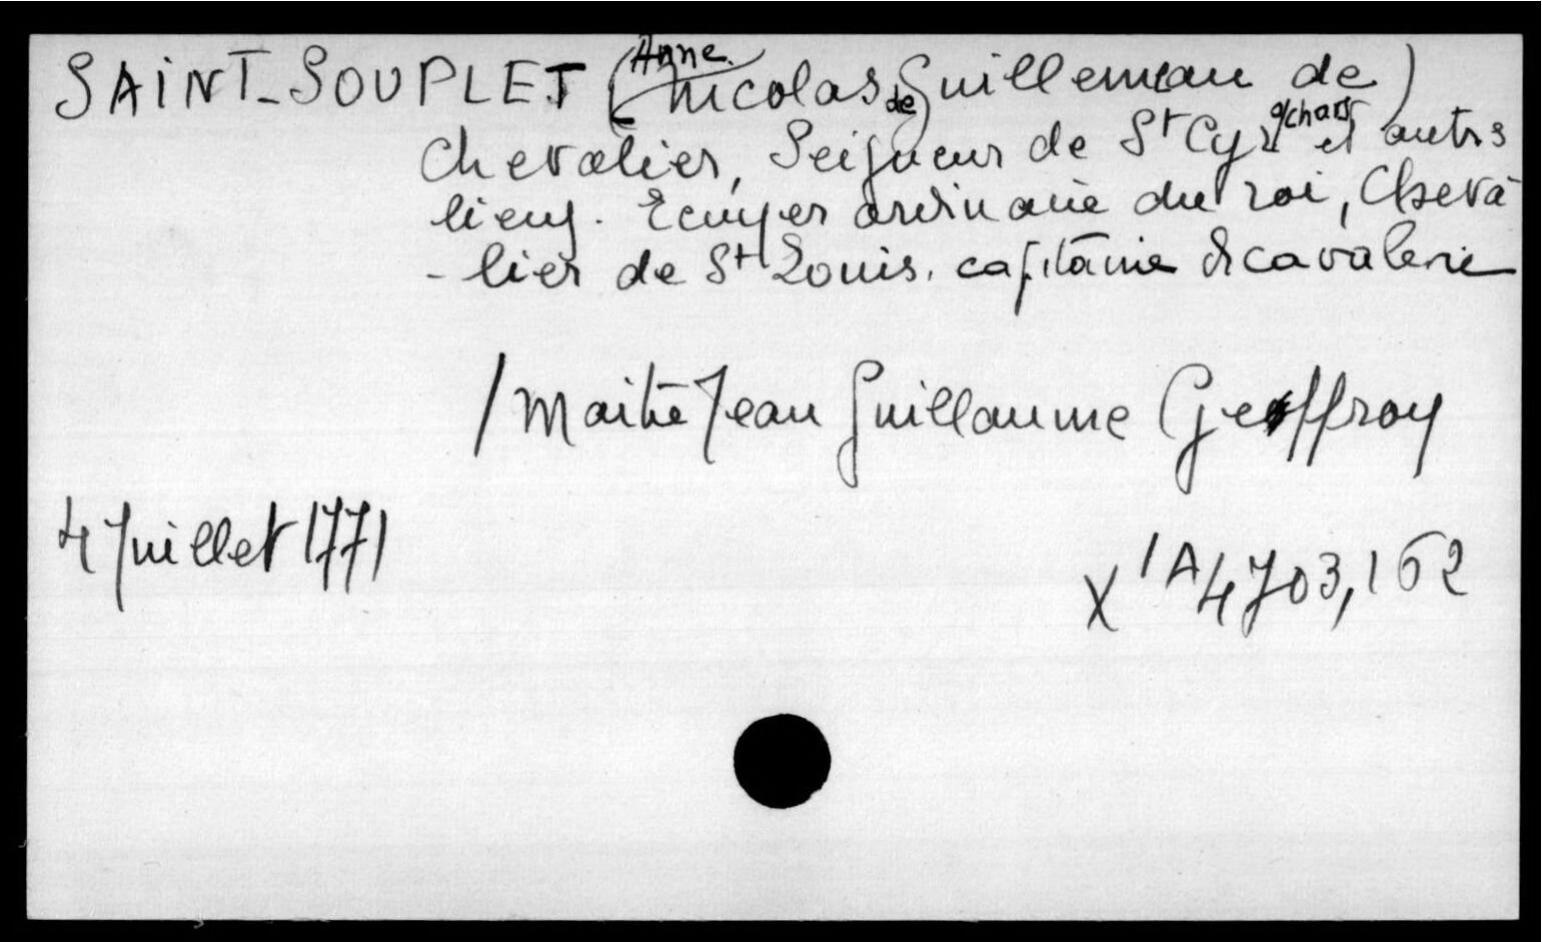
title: SAINT-SOUPLET (Annee Nicolas de Guillemeau de) chevalier, Seigneur de Saint-Cyr et autres lieux. Écuyer ordinaire du roi, chevalier de Saint Louis, capitaine de cavalerie
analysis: Contre Maître Jean Guillaume Geoffroy
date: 4 juillet 1771
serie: X1A
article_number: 4703
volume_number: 162
